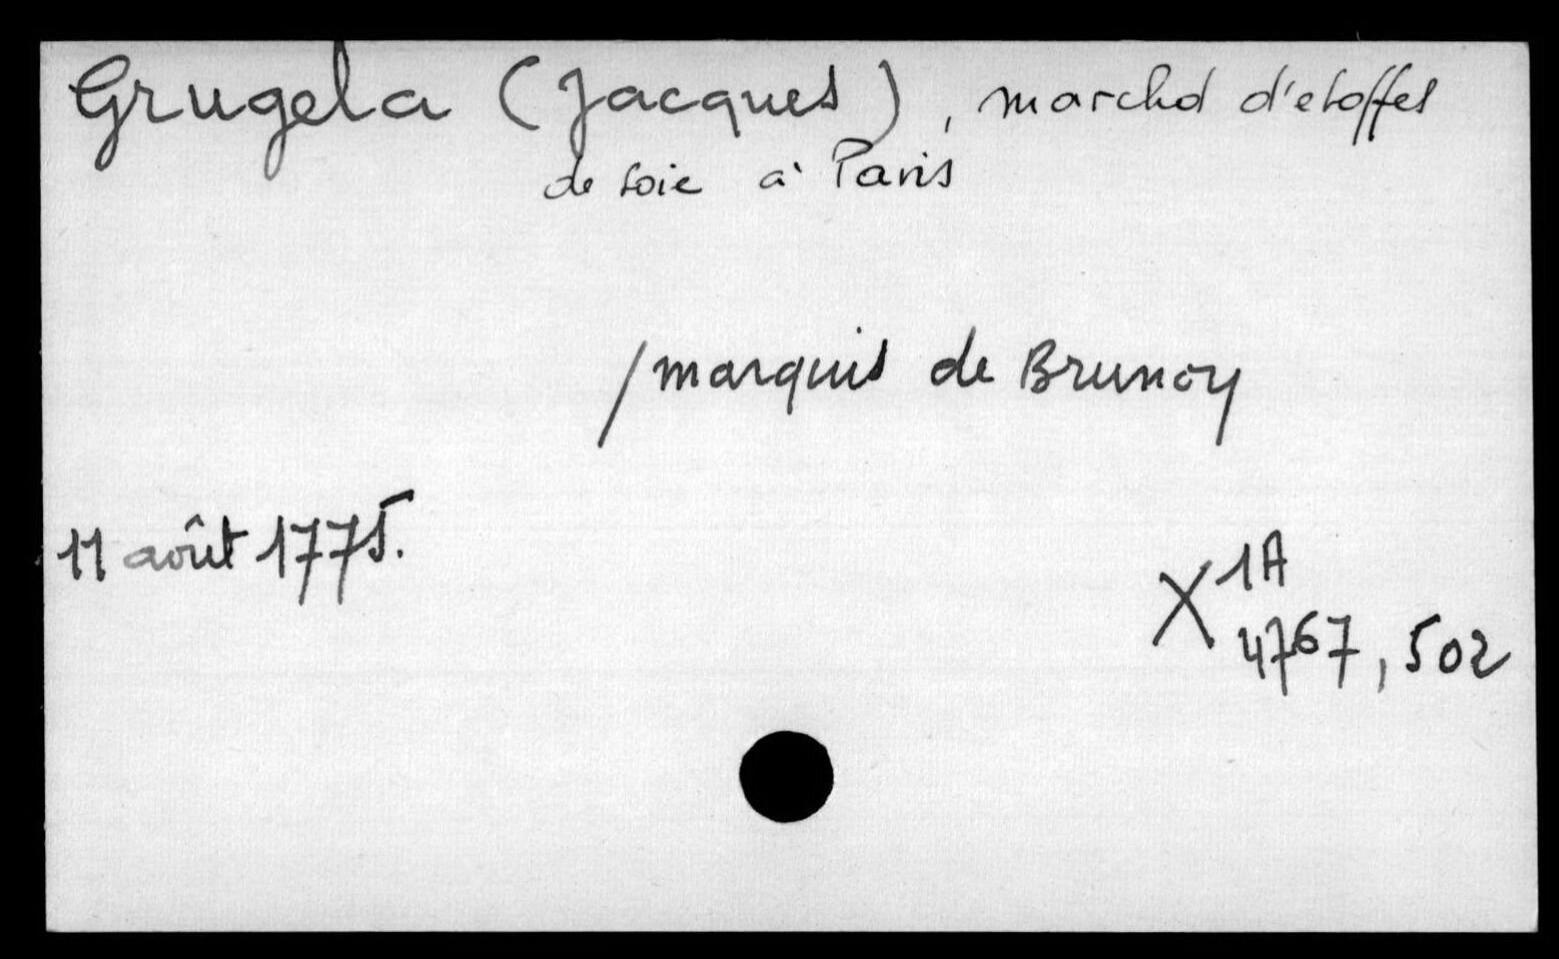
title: Grugela (Jacques), marchand d'étoffes de soie à Paris
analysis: Contre marquis de Brunoy
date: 11 août 1775
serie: X1A
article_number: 4767
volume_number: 502
